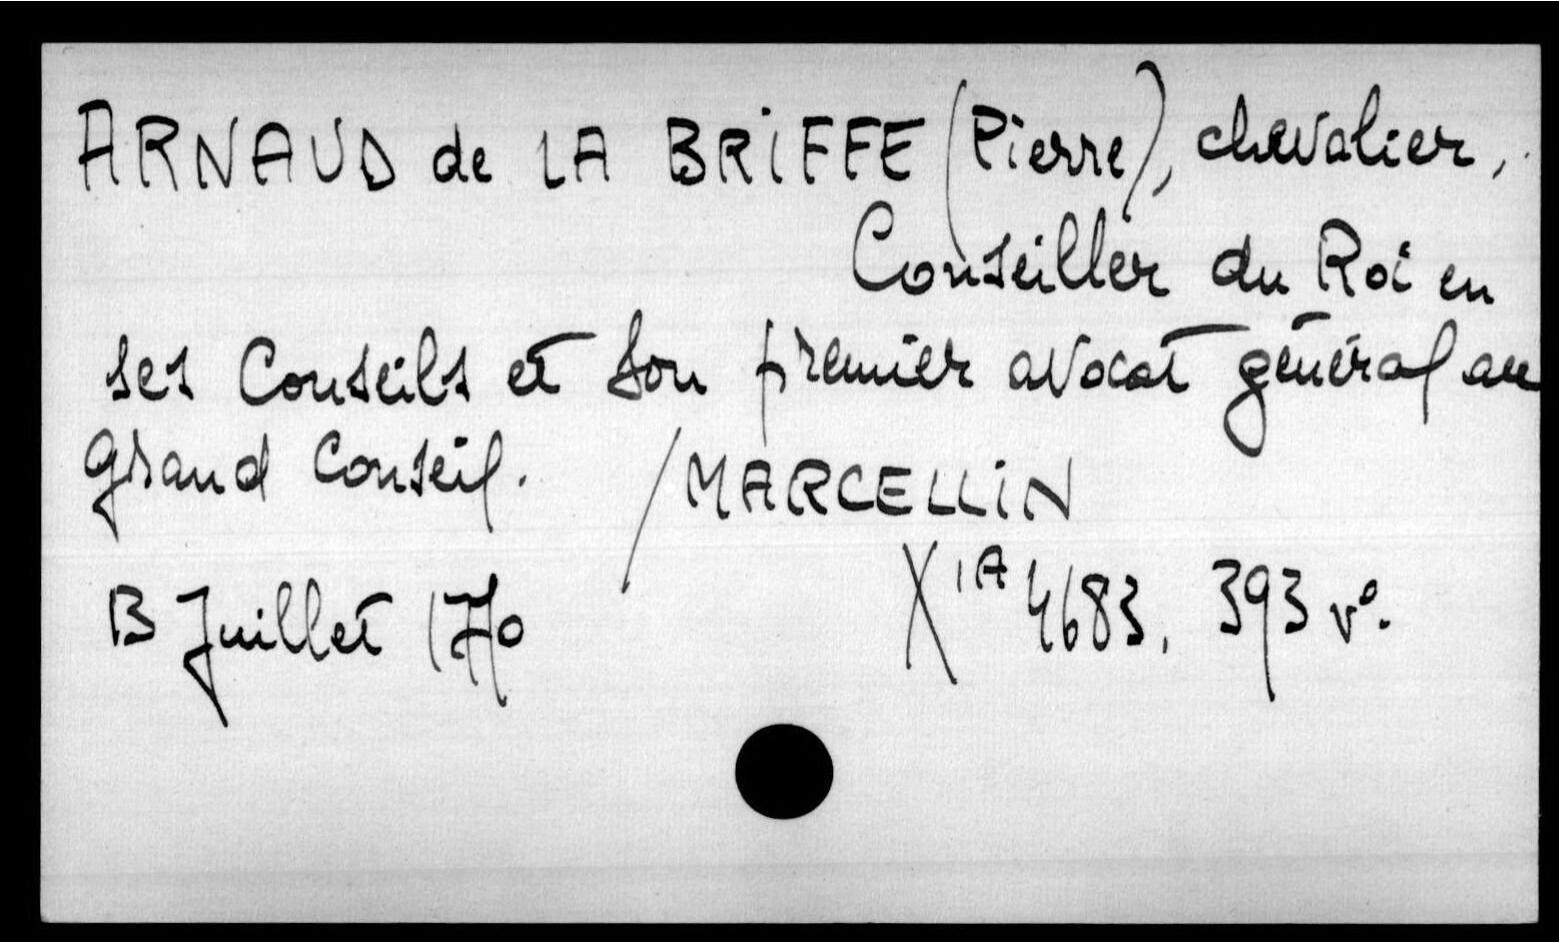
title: ARNAUD de LA BRIFFE (Pierre), chevalier, Conseiller du roi en ses Conseils et Son premier avocat général au grand conseil.
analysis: Contre MARCELLIN
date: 3 juillet 1770
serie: X1A
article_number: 4683
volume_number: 393v
